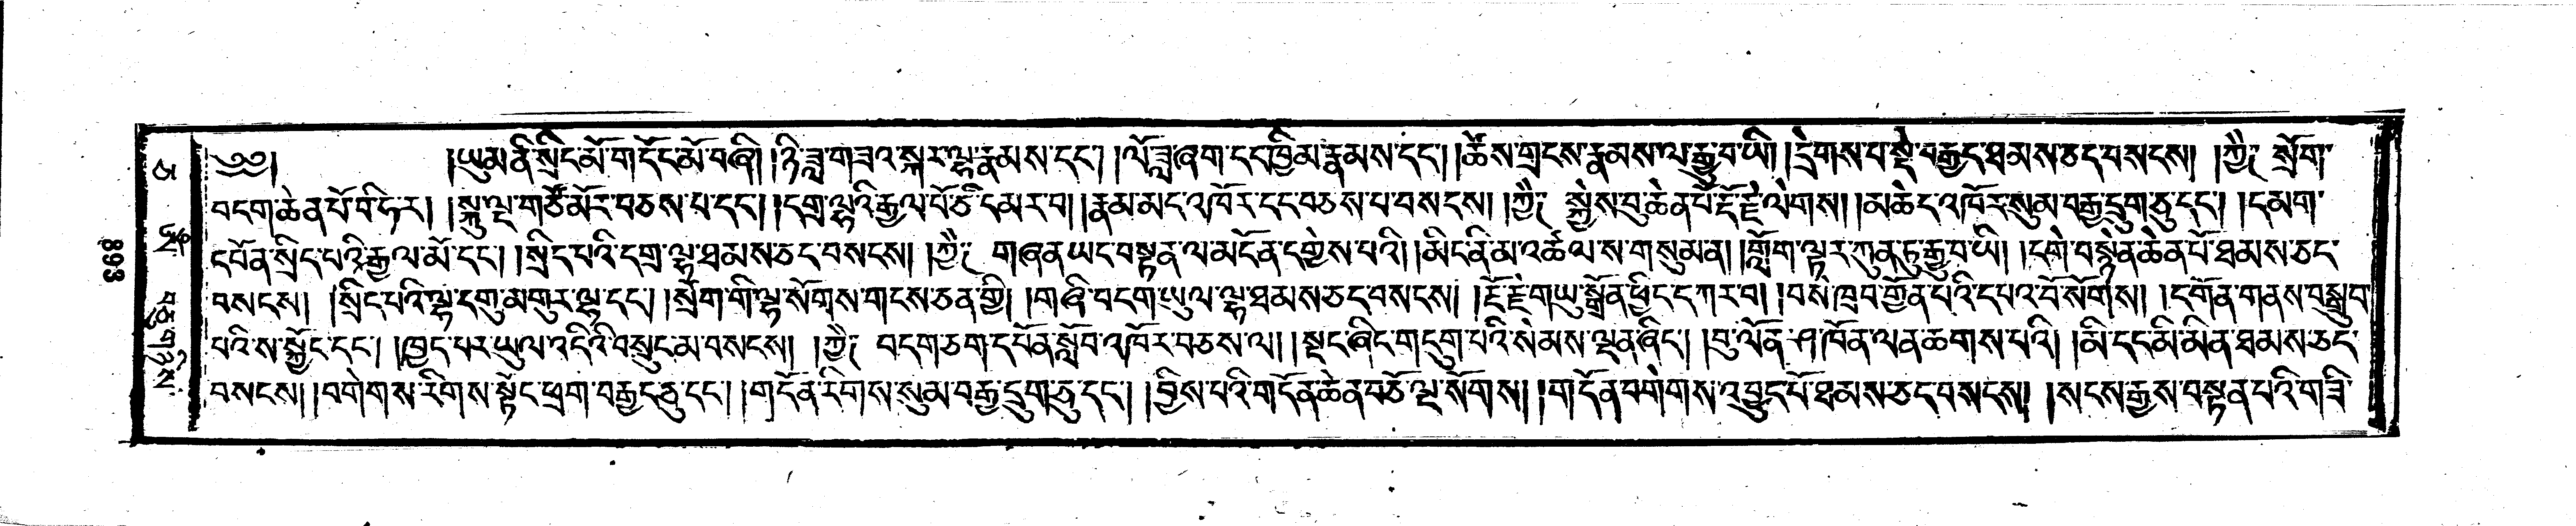༄༅། །ཡུམ་ནི་སྲིང་མོ་གདོང་མོ་བཞི། །ཉི་ཟླ་གཟའ་སྐར་ལྷ་རྣམས་དང་། །ལོ་ཟླ་ཞག་དང་ཁྱིམ་རྣམས་དང་། །ཚེས་གྲངས་རྣམས་ལ་རྒྱུ་བ་ཡི། །དྲེགས་པ་སྡེ་བརྒྱད་ཐམས་ཅད་བསངས། །ཀྱཻ༑ སྲོག་
བདག་ཆེན་པོ་བི་ཧ་ར། །སྐུ་ལྔ་གཙོ་མོར་བཅས་པ་དང་། །དགྲ་ལྷའི་རྒྱལ་པོ་ཙ་དམར་བ། །རྣམ་མང་འཁོར་དང་བཅས་པ་བསངས། །ཀྱཻ༑ སྐྱེས་བུ་ཆེན་པོ་རྡོ་རྗེ་ལེགས། །མཆེད་འཁོར་སུམ་བརྒྱ་དྲུག་ཅུ་དང་། །དམག་
དཔོན་སྲིད་པའི་རྒྱལ་པོ་དང་། །སྲིད་པའི་དགྲ་ལྷ་ཐམས་ཅད་བསངས། །ཀྱཻ༑ གཞན་ཡང་བསྟན་ལ་མངོན་དགྱེས་པའི། །མིང་ནི་མ་འཚལ་ས་གསུམ་ན། །གློག་ལྟར་ཀུན་ཏུ་རྒྱུ་བ་ཡི། །དགེ་བསྙེན་ཆེན་པོ་ཐམས་ཅད་
བསངས། །སྲིད་པའི་ལྷ་དགུ་མགུར་ལྷ་དང་། །སྲོག་གི་ལྷ་སོགས་གངས་ཅན་གྱི། །གཞི་བདག་ཡུལ་ལྷ་ཐམས་ཅད་བསངས། །རྡོ་རྗེ་གཡུ་སྒྲོན་ཕྱིང་དཀར་བ། །བསེ་ཁྲབ་གྱོན་པའི་དཔའ་བོ་སོགས། །དགོན་གནས་བསྒྲུབ་
པའི་ས་སྐྱོང་དང་། །ཁྱད་པར་ཡུལ་འདིའི་བསྲུང་མ་བསངས། །ཀྱཻ༑ བདག་ཅག་དཔོན་སློབ་འཁོར་བཅས་ལ། །སྡང་ཞིང་གདུག་པའི་སེམས་ལྡན་ཞིང་། །བུ་ལོན་ཤ་ཁོན་ལན་ཆགས་པའི། །མི་དང་མི་མིན་ཐམས་ཅད་
བསངས། །བགེགས་རིགས་སྟོང་ཕྲག་བརྒྱད་ཅུ་དང་། །གདོན་རིགས་སུམ་བརྒྱ་དྲུག་ཅུ་དང་། །བྱིས་པའི་གདོན་ཆེན་བཅོ་ལྔ་སོགས། །གདོན་བགེགས་འབྱུང་པོ་ཐམས་ཅད་བསངས། །སངས་རྒྱས་བསྟན་པའི་གཟི་